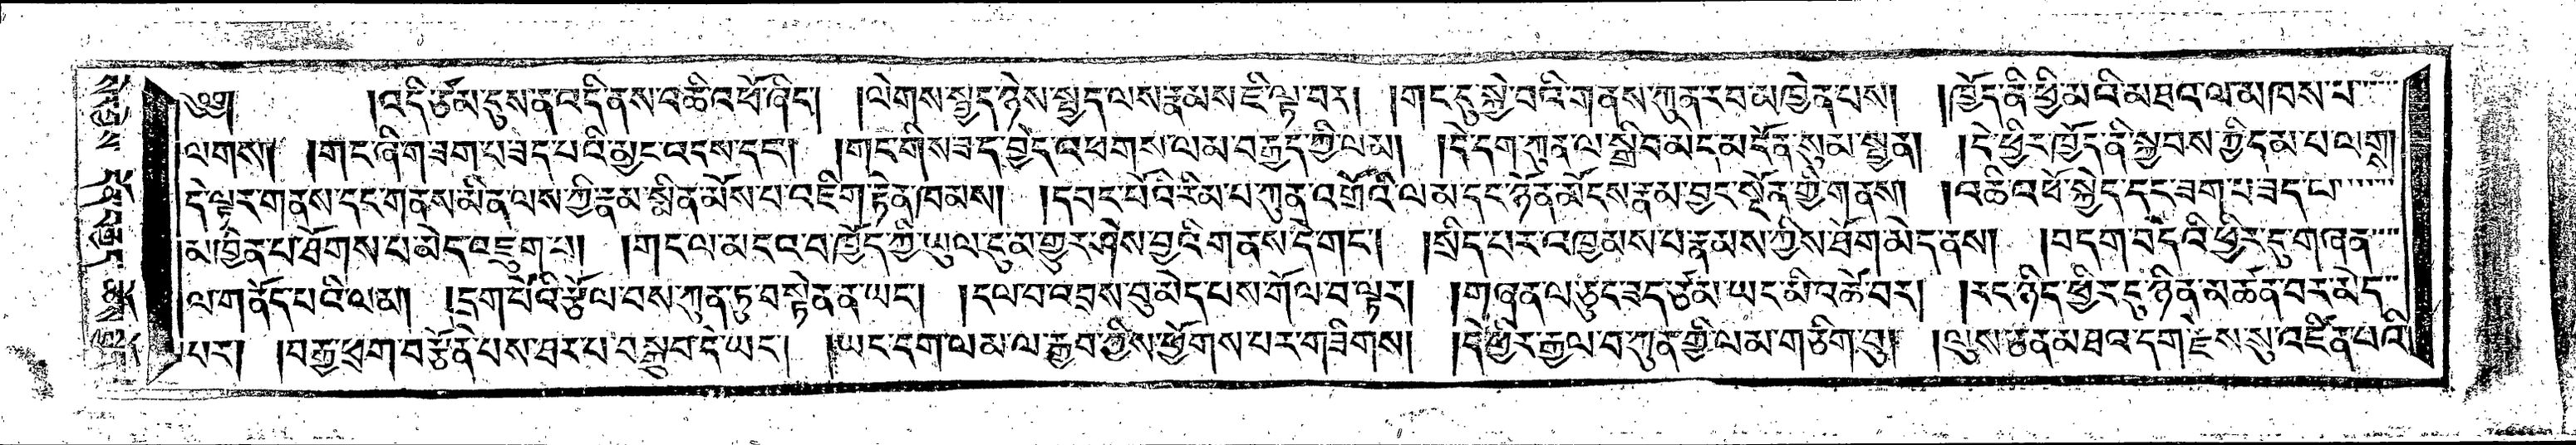༄༅། །འདི་ཙམ་དུས་ན་འདི་ནས་འཆི་འཕོ་ཞིང་། །ལེགས་སྤྱད་ཉེས་སྤྱད་ལས་རྣམས་ཇི་ལྟ་བར། །གང་དུ་སྐྱེ་བའི་གནས་ཀུན་རབ་མཁྱེན་པས། །ཁྱོད་ནི་ཕྱི་མའི་མཐའ་ལ་མཁས་པ་
ལགས། །གང་ཞིག་ཟག་པ་ཟད་པའི་མྱང་འདས་དང་། །གང་གིས་ཟད་བྱེད་འཕགས་ལམ་བརྒྱད་ཀྱི་ལམ། །དེ་དག་ཀུན་ལ་སྒྲིབ་མེད་མངོན་སུམ་སྤྱན། །དེ་ཕྱིར་ཁྱོད་ནི་སྐྱབས་ཀྱི་དམ་པ་ལགས།
དེ་ལྟར་གནས་དང་གནས་མིན་ལས་ཀྱི་རྣམ་སྨིན་མོས་པ་འཇིག་རྟེན་ཁམས། །དབང་པོའི་རིམ་པ་ཀུན་འགྲོའི་ལམ་དང་ཉོན་མོངས་རྣམ་བྱང་སྔོན་གྱི་གནས། །འཆི་འཕོ་སྐྱེད་དང་ཟག་པ་ཟད་པ་
མཁྱེན་པ་ཐོགས་པ་མེད་འཇུག་པ། །གང་ལ་མངའ་བ་ཁྱོད་ཀྱི་ཡུལ་དུ་མ་གྱུར་ཤེས་བྱའི་གནས་དེ་གང་། །སྲིད་པར་འཁྱམས་པ་རྣམས་ཀྱིས་ཐོག་མེད་ནས། །བདག་བདེའི་ཕྱིར་དུ་གཞན་
ལ་གནོད་པའི་ལམ། །དྲག་པོའི་རྩོལ་བས་ཀུན་ཏུ་བསྟེན་ན་ཡང་། །ངལ་བ་འབྲས་བུ་མེད་པས་གོལ་བ་ལྟར། །གཞན་ལ་ཅུང་ཟད་ཙམ་ཡང་མི་འཚེ་བར། །རང་ཉིད་ཕྱིར་དུ་ཉིན་མཚན་བར་མེད་
པར། །བརྒྱ་ཕྲག་བརྩོན་པས་ཐར་པ་བསྒྲུབ་དེ་ཡང་། །ཡང་དག་ལམ་ལ་རྒྱབ་ཀྱིས་ཕྱོགས་པར་གཟིགས། །དེ་ཕྱིར་རྒྱལ་བ་ཀུན་གྱི་ལམ་གཅིག་བུ། །ལུས་ཅན་མཐའ་དག་རྗེས་སུ་འཛིན་པའི་